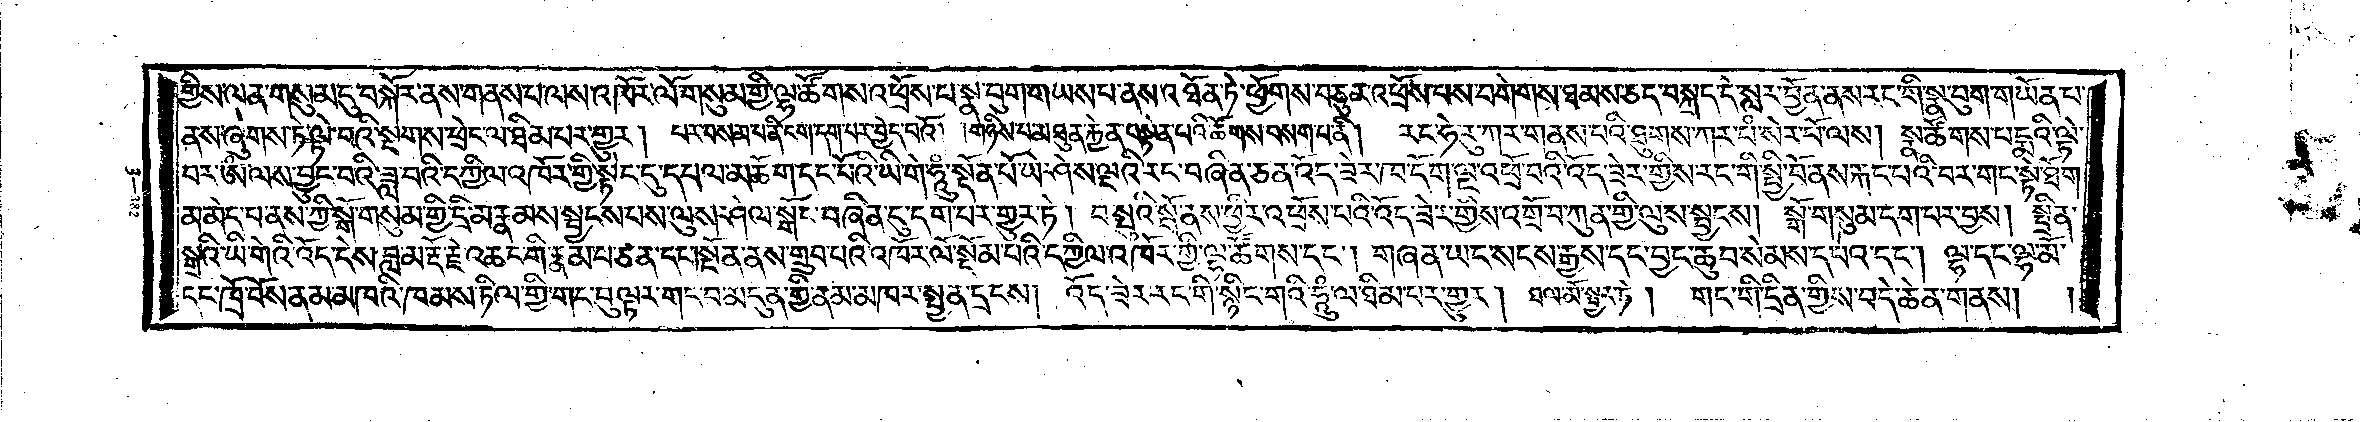གྱིས་ལན་གསུམ་དུ་བསྐོར་ནས་གནས་པ་ལས་འཁོར་ལོ་གསུམ་གྱི་ལྷ་ཚོགས་འཕྲོས་པ་སྣ་བུག་གཡས་པ་ནས་འཐོན་ཏེ་ཕྱོགས་བཅུ་མ་འཕྲོས་པས་བགེགས་ཐམས་ཅད་བསྐྲད་དེ་སླར་བྱོན་ནས་རང་གི་སྣ་བུག་གཡོན་
ནས་ཞུགས་ཏེ་ལྟེ་བའི་སྔགས་ཕྲེང་ལ་ཐིམ་པར་གྱུར། པར་བསམ་པ་ནི་ངག་དག་པར་བྱེད་པའོ། །གཉིས་པ་མཐུན་རྐྱེན་བསྟེན་པའི་ཚོགས་བསག་པ་ནི།  རང་ཧེ་རུ་ཀར་གནས་པའི་ཐུགས་ཀར་པཾ་སེར་པོ་ལས། སྣ་ཚོགས་པདམའི་ལྟེ་
བར་ཨཾ་ལས་བྱུང་བའི་ཟླ་བའི་དཀྱིལ་འཁོར་གྱི་སྟེང་དུ་དཔལ་མཆོག་དང་པོའི་ཡི་གེ་ཧཱུཾ་སྔོན་པོ་ཡེ་ཤེས་ལྔའི་རང་བཞིན་ཅན་འོད་ཟེར་ཁ་དོག་ལྔ་འཕྲོ་བའི་འོད་ཟེར་གྱིས་རང་གི་སྤྱི་བོ་ནས་རྐང་པའི་བར་གང་སྟེ་ཐོག་
མ་མེད་པ་ནས་ཀྱི་སྒོ་གསུམ་གྱི་དྲི་མ་རྣམས་སྦྱངས་པས་ལུས་ཤེལ་སྒོང་བཞིན་དུ་དག་པར་གྱུར་ཏེ། བ་སྤུའི་སྒོ་ནས་ཕྱིར་འཕྲོས་པའི་འོད་ཟེར་གྱིས་འགྲོ་བ་ཀུན་གྱི་ལུས་སྦྱངས། སྒོ་གསུམ་དག་པར་བྱས། སྤྲིན་
སྒྲའི་ཡི་གེའི་འོད་དེས་བླ་མ་རྡོ་རྗེ་འཆང་གི་རྣམ་པ་ཅན་དང་།སྔོན་ནས་གྲུབ་པའི་འཁོར་ལོ་སྡོམ་པའི་དཀྱིལ་འཁོར་གྱི་ལྷ་ཚོགས་དང་། གཞན་ཡང་སངས་རྒྱས་དང་བྱང་ཆུབ་སེམས་དཔའ་དང་། ལྷ་དང་ལྷ་མོ་
དང་ཁྲོ་བོས་ནམ་མཁའི་ཁམས་ཏིལ་གྱི་གང་བུ་ལྟར་གང་བ་མདུན་གྱི་ནམ་མཁར་སྤྱན་དྲངས། འོད་ཟེར་རང་གི་སྙིང་གའི་ཧཱུཾ་ལ་ཐིམ་པར་གྱུར། ཐལ་མོ་སྦྱར་ཏེ།  གང་གི་དྲིན་གྱིས་བདེ་ཆེན་གནས། །